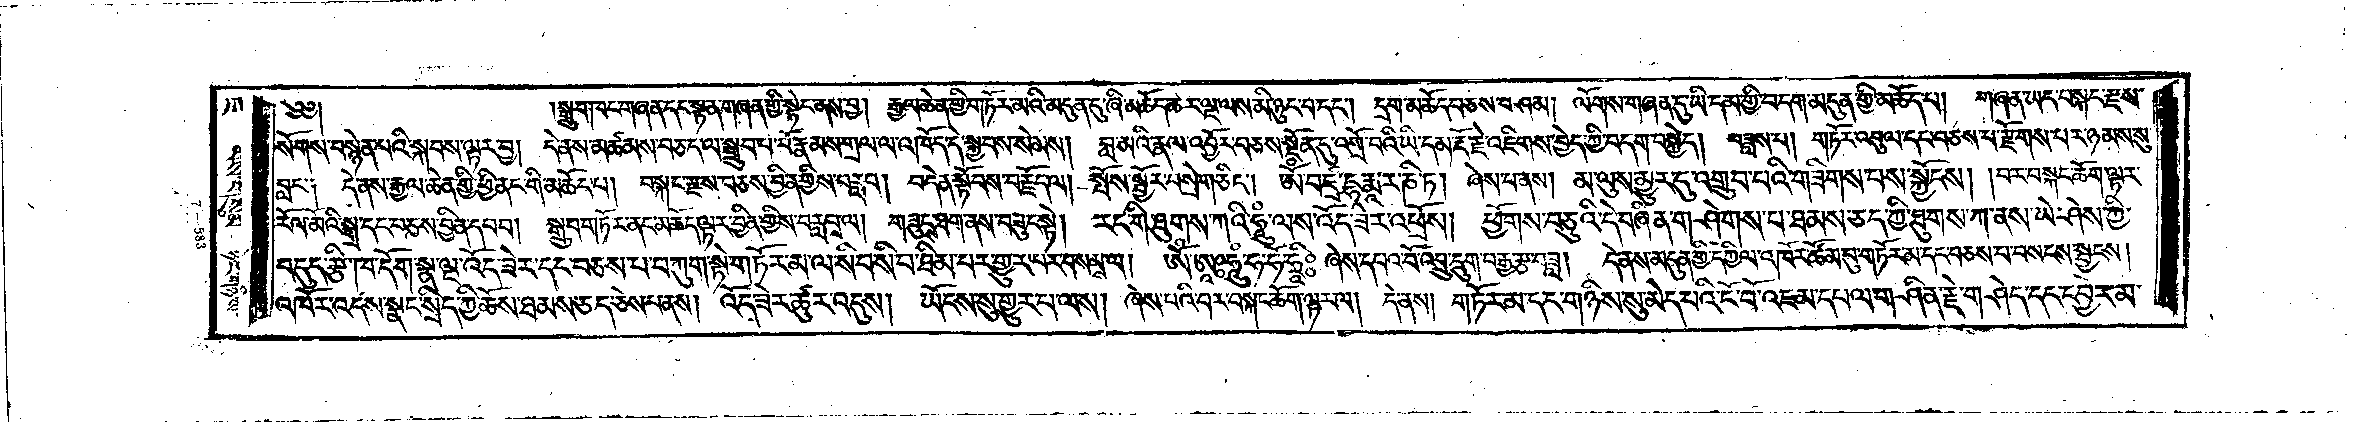༄༅། །སྒྲུབ་ཁང་གཞན་དང་སྟན་གཞན་གྱི་སྟེང་ནས་བྱ། རྒྱལ་ཆེན་གྱི་གཏོར་མའི་མདུན་དུ་ཞི་མཆོད་ཆེར་ལྔ་ལས་མི་ཉུང་བ་དང་། དྲག་མཆོད་བཅས་བཤམ། ལོགས་གཞན་དུ་ཡི་དམ་གྱི་བདག་མདུན་གྱི་མཆོད་པ། གཞན་ཡང་བསྐེང་རྫས་
སོགས་བསྙེན་པའི་སྐབས་ལྟར་བྱ། དེ་ནས་མཚམས་བཅད་ལ་སྒྲུབ་པ་པོ་རྣམས་གྲལ་ལ་འཁོད་དེ་སྐྱབས་སེམས། བླ་མའི་རྣལ་འབྱོར་བཅས་སྔོན་དུ་འགྲོ་བའི་ཡི་དམ་རྡོ་རྗེ་འཇིགས་བྱེད་ཀྱི་བདག་བསྐྱེད། བཟླས་པ། གཏོར་འབུལ་དང་བཅས་པ་རྫོགས་པར་ཉམས་སུ་
བླང༑ དེ་ནས་རྒྱལ་ཆེན་གྱི་ཕྱི་ནང་གི་མཆོད་པ། བསྐང་རྫས་བཅས་བྱིན་གྱིས་བརླབ། བདེན་སྟོབས་བརྗོད་ལ། སྤོས་སྦྱོར་བསྲེག་ཅིང་། ཨོཾ་བཛྭ་དྷརྨཱ་ར་ཎི་ཏེ། ཞེས་པ་ནས། མ་ལུས་མྱུར་དུ་འགྲུབ་པའི་གཟིགས་པས་སྐྱོངས། །བར་བསྐང་ཆོག་ལྟར་
རོལ་མོའི་སྒྲ་དང་བཅས་བྱིན་དབབ། སྒྲུབ་གཏོར་ནང་མཆོད་ལྟར་བྱིན་གྱིས་བརླབས་ལ། གཟུངས་ཐག་ནས་བཟུང་སྟེ། རང་གི་ཐུགས་ཀའི་ཧཱུཾ་ལས་འོད་ཟེར་འཕྲོས། ཕྱོགས་བཅུའི་དེ་བཞིན་གཤེགས་པ་ཐམས་ཅད་ཀྱི་ཐུགས་ཀ་ནས་ཡེ་ཤེས་ཀྱི་
བདུད་རྩི་ཁ་དོག་སྣ་ལྔ་འོད་ཟེར་དང་བཅས་པ་བཀུག་སྟེ་གཏོར་མ་ལ་སིབ་སིབ་ཐིམ་པར་གྱུར་པར་བསམས་ལ། ཨོཾ་ཨཱཿཧཱུཾ་ཧ་ཧོ་ཧྲཱིཿཞེས་དཔའ་བོ་འབྲུ་དྲུག་བརྒྱ་རྩ་བཟླ། དེ་ནས་མདུན་གྱི་དཀྱིལ་འཁོར་ཚོམ་བུ་གཏོར་མ་དང་བཅས་པ་བསངས་སྦྱངས།
འཁོར་འདས་སྣང་སྲིད་ཀྱི་ཆོས་ཐམས་ཅད་ཅེས་པ་ནས། འོད་ཟེར་ཚུར་འདུས། ཡོངས་སུ་གྱུར་པ་ལས། ཞེས་པའི་བར་བསྐང་ཆོག་ལྟར་ལ། དེ་ནས། གཏོར་མ་དང་གཉིས་སུ་མེད་པའི་ངོ་བོ་འཇམ་དཔལ་གཤིན་རྗེ་གཤེད་དང་དབྱེར་མ་